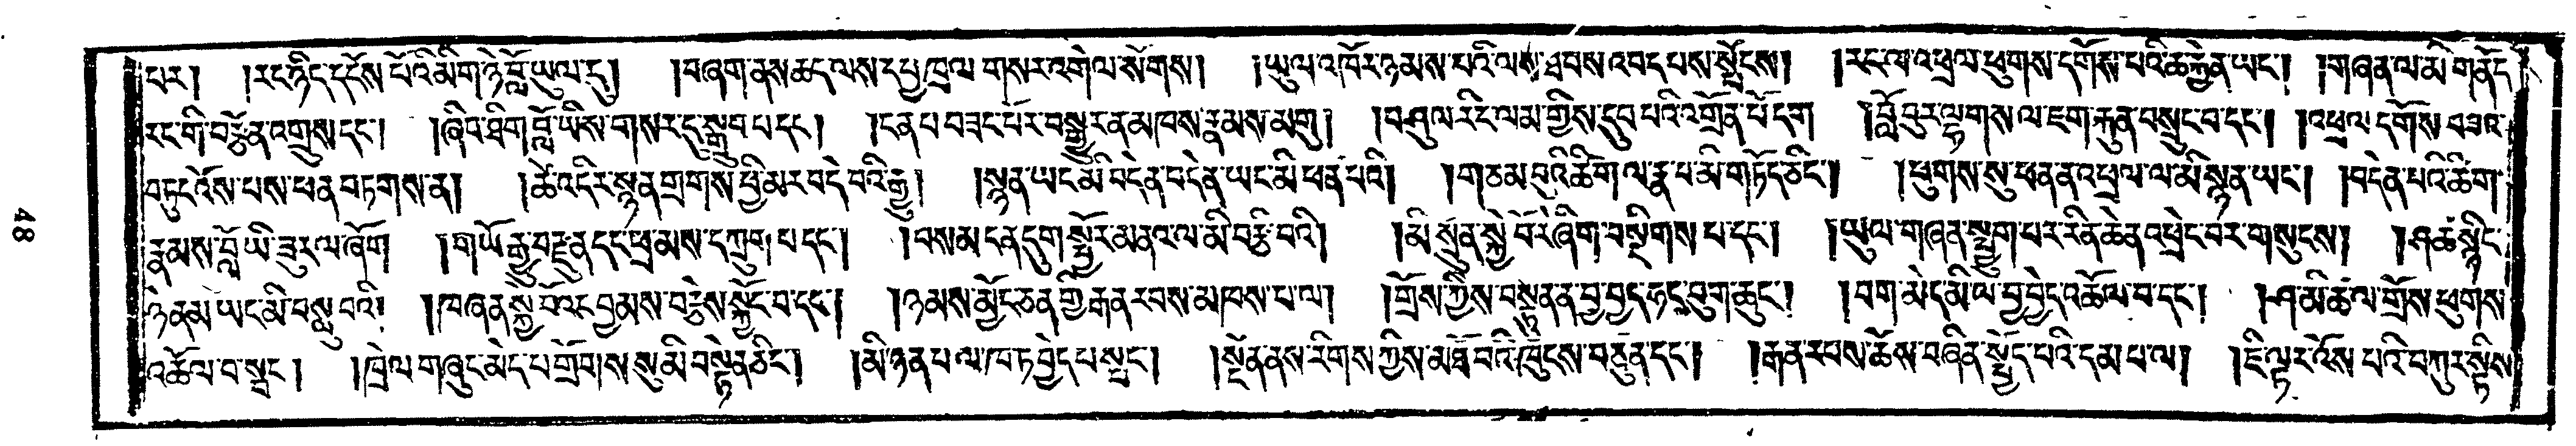པར། །རང་ཉིད་དངོས་པོའི་མིག་ཉེ་བློ་ཡུལ་དུ། །བཞག་ནས་ཆད་ལས་དཔྱ་ཁྲལ་གསར་འགེལ་སོགས། །ཡུལ་འཁོར་ཉམས་པའི་ལས་ཐབས་འབད་པས་སྤོངས། །རང་ལ་འཕྲལ་ཕུགས་དགོས་པའི་ཆ་རྐྱེན་ཡང་། །གཞན་ལ་མི་གནོད་
རང་གི་བརྩོན་འགྲུས་དང་། །ཞིབ་ཐིག་བློ་ཡིས་གསར་དུ་སྒྲུབ་པ་དང་། །ངན་པ་བཟང་པོར་བསྒྱུར་ན་མཁས་རྣམས་མགུ། །བཤུལ་རིང་ལམ་གྱིས་དུབ་པའི་འགྲོན་པོ་དག །བློ་བུར་ལྷགས་ལ་ཇག་རྐུན་བསྲུང་བ་དང་། །འཕྲལ་དགོས་བཟའ་
བཏུང་འོས་པས་ཕན་བཏགས་ན། །ཚེ་འདིར་སྙན་གྲགས་ཕྱི་མར་བདེ་བའི་རྒྱུ། །སྙན་ཡང་མི་བདེན་ཡང་མི་ཕན་པའི། །གཅམ་བུའི་ཚིག་ལ་རྣ་པ་མི་གཏོད་ཅིང་། །ཕུགས་སུ་ཕན་ན་འཕྲལ་ལ་མི་སྙན་ཡང་། །བདེན་པའི་ཚིག་
རྣམས་བློ་ཡི་ཟུར་ལ་ཞོག །གཡོ་རྒྱུ་བརྫུན་དང་ཕྲ་མས་དཀྲུག་པ་དང་། །བསམ་ངན་དུག་སྦྱོར་མནའ་ལ་མི་བརྩི་བའི། །མི་སྲུན་སྐྱེ་བོ་རེ་ཞིག་བསྡིགས་པ་དང་། །ཡུལ་གཞན་སྤྱུག་པར་རིན་ཆེན་འཕྲེང་བར་གསུངས། །ཤ་ཚ་སྙིང་
ཉེ་ནམ་ཡང་མི་བསླུ་བའི། །ཁ་ཞན་སྐྱེ་བོའང་བྱམས་བརྩེས་སྐྱོང་བ་དང་། །ཉམས་མྱོང་ཅན་གྱི་རྒན་རབས་མཁས་པ་ལ། །གྲོས་ཀྱིས་བསྟུན་ན་བྱ་བྱད་ཧང་བུག་ཆུང་། །བག་མེད་མི་ལ་བྱ་བྱེད་འཆོལ་བ་དང་། །ཤ་མི་ཚལ་གྲོས་ཕུགས་
འཆོལ་བ་སྦང་། །ཁྲེལ་གཞུང་མེད་པ་གྲོགས་སུ་མི་བསྟེན་ཅིང་། །མི་ཉན་པ་ལ་ཁ་ཏ་བྱེད་པ་སྤང་། །སྔོན་ནས་རིགས་ཀྱིས་མཐོ་བའི་ཁུངས་བཙུན་དང་། །རྒན་རབས་ཆོས་བཞིན་སྤྱོད་པའི་དམ་པ་ལ། །ཇི་ལྟར་འོས་པའི་བཀུར་སྟིས་